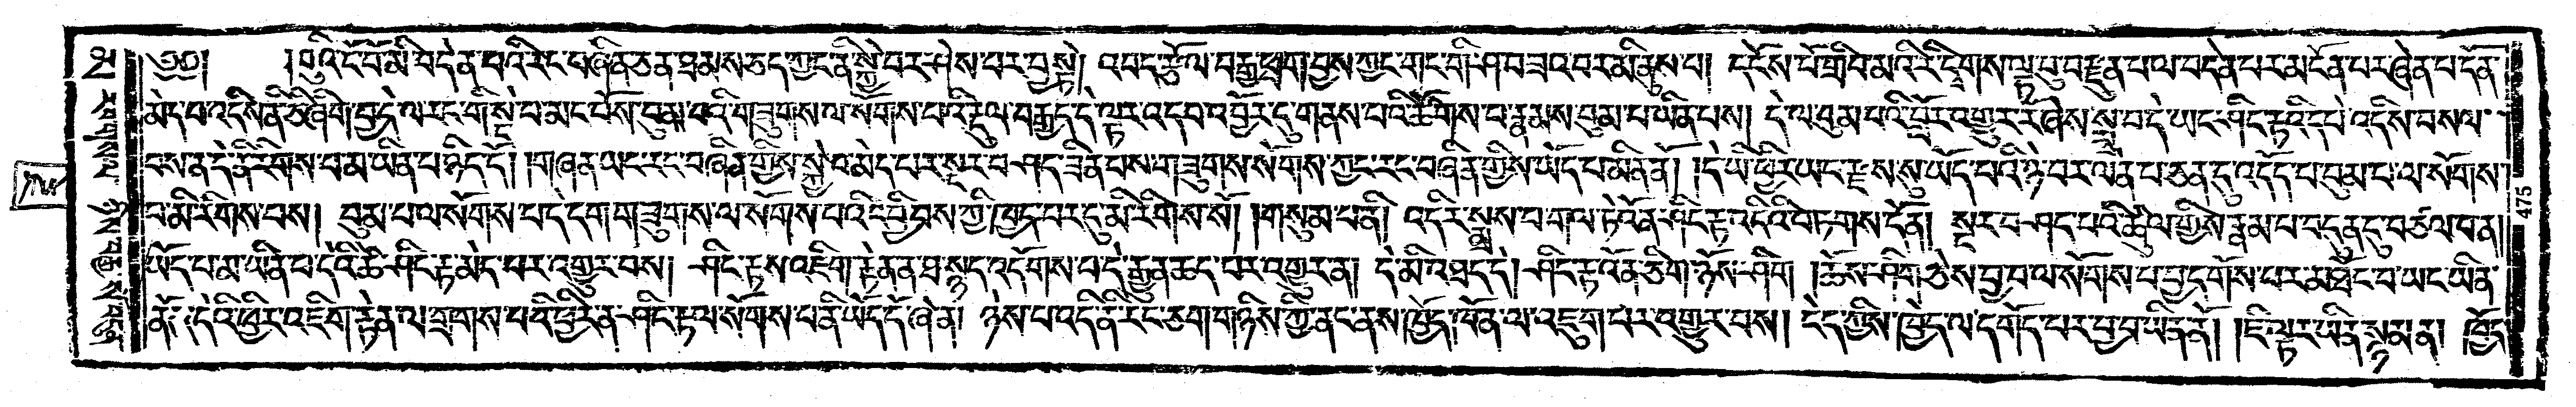༄༅། །བུའི་ངོ་བོ་མི་བདེན་པའི་རང་བཞིན་ཅན་ཐམས་ཅད་ཀྱང་ནི་སྐྱེ་བར་ཤེས་པར་བྱ་སྟེ། འབད་རྩོལ་བརྒྱ་ཕྲག་བྱས་ཀྱང་གང་གི་ཤ་བཟའ་བར་མི་ནུས་པ། དངོས་པོ་གྲིབ་མའི་རི་དྭགས་ལྟ་བུ་བརྫུན་པ་ལ་བདེན་པར་མངོན་པར་ཞེན་པ་དོན་
མེད་པ་འདིས་ནི་ཅི་ཞིག་བྱ་དེ་ལ་རང་གི་སྡེ་པ་མང་པོས་བུམ་པའི་གཟུགས་ལ་སོགས་པའི་རྡུལ་བརྒྱད་དེ་ལྟར་འདབ་འབྱོར་དུ་གནས་པའི་ཚོགས་པ་རྣམས་བུམ་པ་ཡིན་པས། དེ་ལ་བུམ་པའི་བློར་འགྱུར་རོ་ཞེས་སྨྲ་བ་དེ་ཡང་ཤིང་རྟའི་དཔེ་འདིས་བསལ་
བས་ན་དེ་ནི་རིགས་པ་མ་ཡིན་པ་ཉིད་དོ། །གཞན་ཡང་རང་བཞིན་གྱིས་སྐྱེ་བ་མེད་པར་སྔར་བཤད་ཟིན་པས་གཟུགས་སོགས་ཀྱང་རང་བཞིན་གྱིས་ཡོད་པ་མིན་ནོ། །དེ་ཡི་ཕྱིར་ཡང་རྫས་སུ་ཡོད་པའི་ཉེ་བར་ལེན་པ་ཅན་དུ་འདོད་པ་བུམ་པ་ལ་སོགས་
པ་མི་རིགས་པས། བུམ་པ་ལ་སོགས་པ་དེ་དག་གཟུགས་ལ་སོགས་པའི་དབྱིབས་ཀྱི་ཁྱད་པར་དུ་མི་རིགས་སོ། །གསུམ་པ་ནི། འདིར་སྨྲས་པ་གལ་ཏེ་འོ་ན་ཤིང་རྟ་འདིའི་བཏགས་དོན། སྔར་བཤད་པའི་ཚུལ་གྱིས་རྣམ་པ་བདུན་དུ་བཙལ་བ་ན།
ཡོད་པ་མ་ཡིན་པ་དེའི་ཚེ་ཤིང་རྟ་མེད་པར་འགྱུར་བས། ཤིང་རྟས་འཇིག་རྟེན་ན་ཐ་སྙད་འདོགས་པ་དེ་རྒྱུན་ཆད་པར་འགྱུར་ན། དེ་མི་འཐད་དེ། ཤིང་རྟ་འོན་ཅིག་ཉོས་ཤིག །འཆོས་ཤིག་ཅེས་བྱ་བ་ལ་སོགས་པ་བྱ་དགོས་པར་མཐོང་བ་ཡང་ཡིན་
ནོ༑ ༑དེའི་ཕྱིར་འཇིག་རྟེན་ལ་གྲགས་པའི་ཕྱིར་ན་ཤིང་རྟ་ལ་སོགས་པ་ནི་ཡོད་དོ་ཞེ་ན། ཉེས་པ་འདི་ནི་རང་ཅག་གཉིས་ཀྱི་ནང་ནས་ཁྱོད་ཁོ་ན་ལ་འཇུག་པར་འགྱུར་བས། ངེད་ཀྱིས་ཁྱེད་ལ་དགོད་པར་བྱ་བ་ཡིན་ནོ། །ཇི་ལྟར་ཡིན་སྙམ་ན། ཁྱོད་